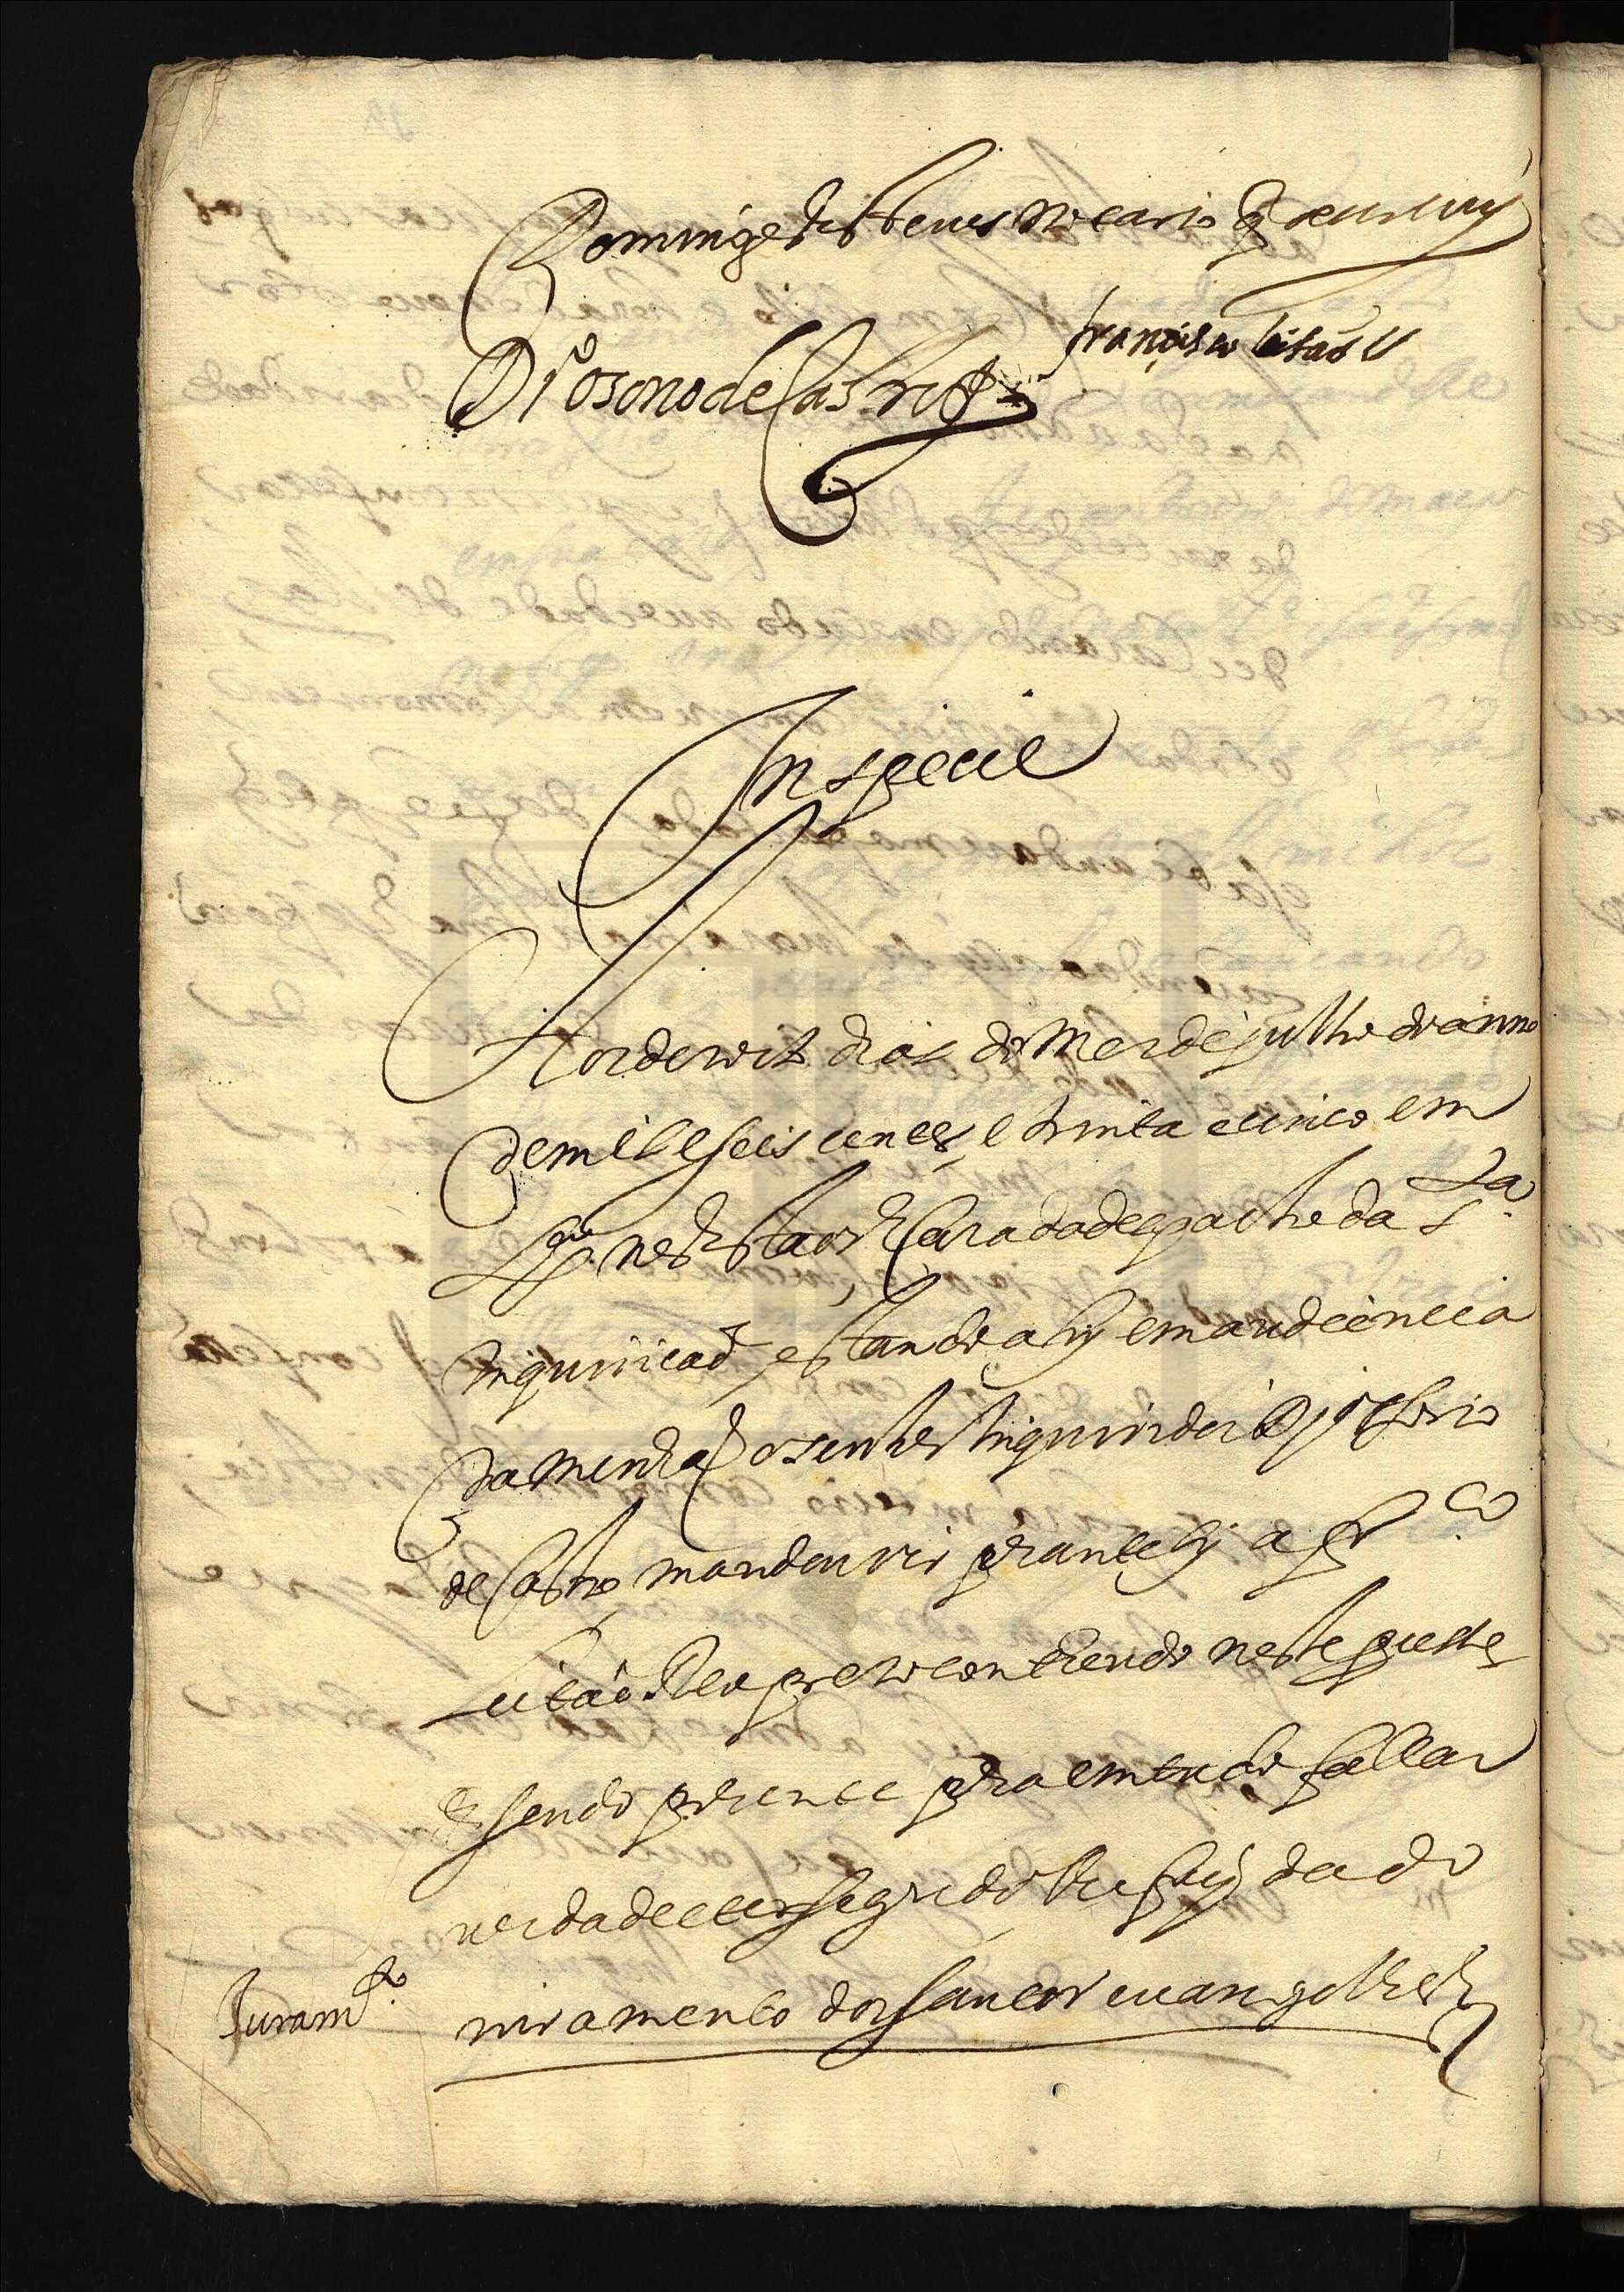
Domingos Esteues notario q̄ o escreuy
Jn specie
Aos dezoito dias do mez de julho do anno
de mil e seiscentos, e trinta e cinco em
Lxa nos Estaos, E Caza do despacho da sta.
Inquisiçaõ, estando ahy em audiencia
da menhā o senhor Inquisidor Djo osorio
de Castro, mandou vir perante sy a fr.co
Leitaõ Reo prezo contheudo neste ꝓcesso
E sendo prezente pera em tudo fallar
uerdade e ter segredo lhe foy dado
iuramento dos santos euangelhos
Iuramto.
